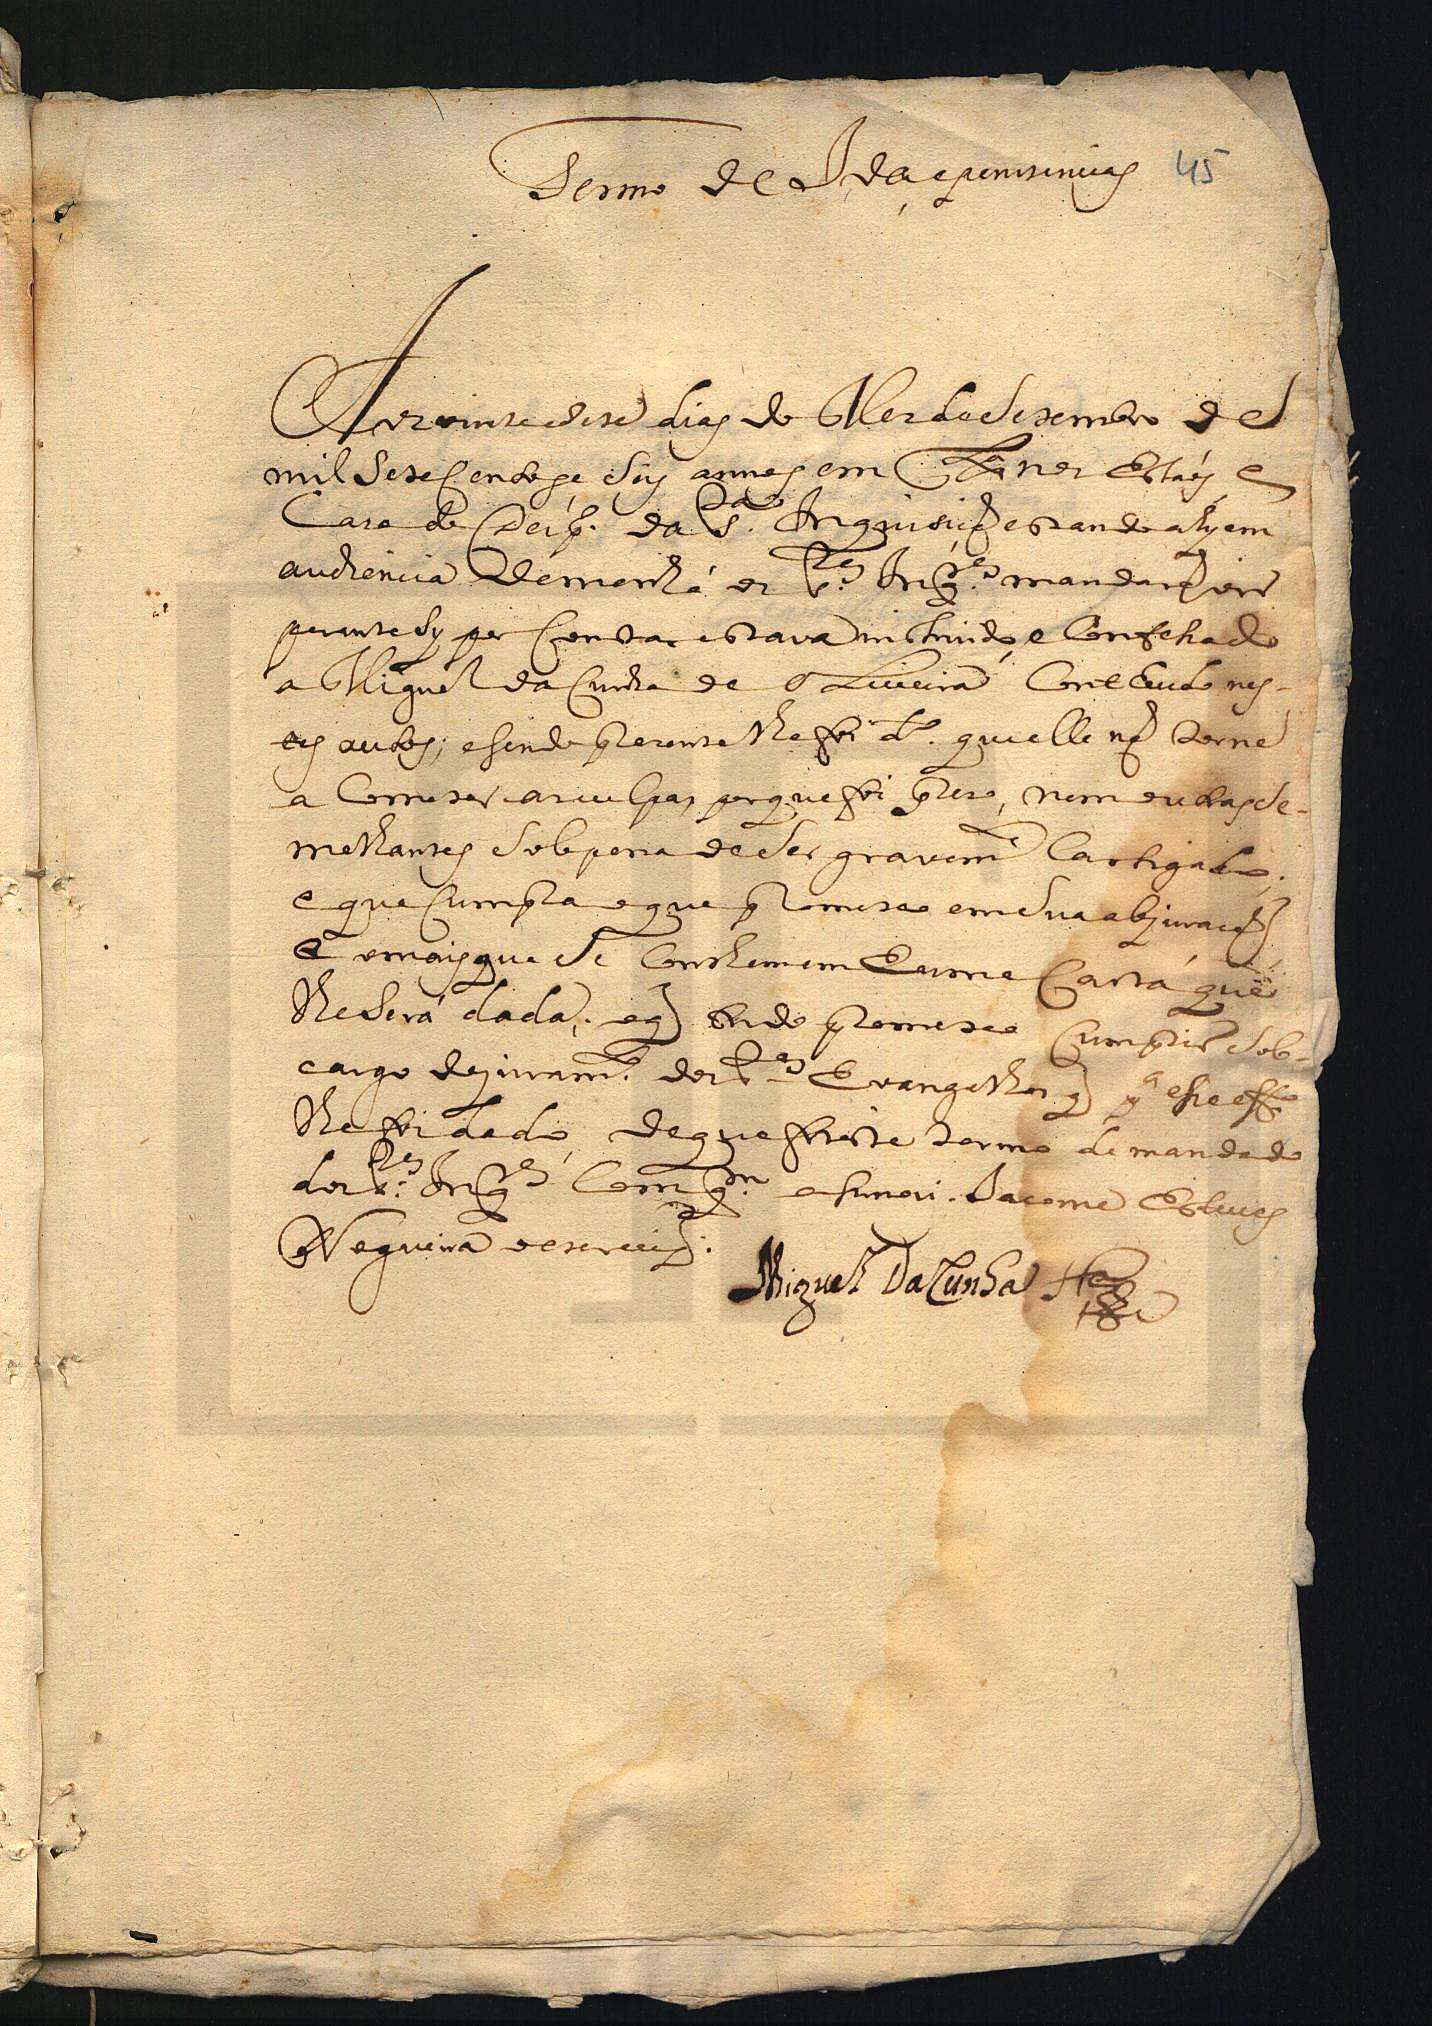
Termo de Ida, e penitencias
Aoz vinte e sete dias do Mez de Setembro de
mil seteCentos e seis annos em Lxa nos Estaós e
Caza do Desp.o da s.ta Inquisiçaõ estando ahy em
audiencia de menhã os s.res Inq.res mandarā vir
perante sy por Contar estava instruido, e Confessado
a Miguel da Cunha de oLiueira Contheudo nes
tes autos; e sendo pRezente lhe foi d̄.o que elle naõ torne
a Cometer as culpas porque foi pRezo, nem outras se
melhantes sob pena de ser gravemte Castigado;
e que CumpRa o que pRometeo em Sua abjuraçaõ
e o mais que se conthem em huma Carta que
lhe Será dada; o q̄ tudo pRometeo CumpRir Sob
cargo do juram.to dos stos Evangelhos q̄ pa esse eff.o
lhe foi dado, de que fis este termo de mandado
dos s:res Inqres Com q.m assinei. Iacome Esteues
Nogueira o escreuj.
Miguel da Cunha Hes
